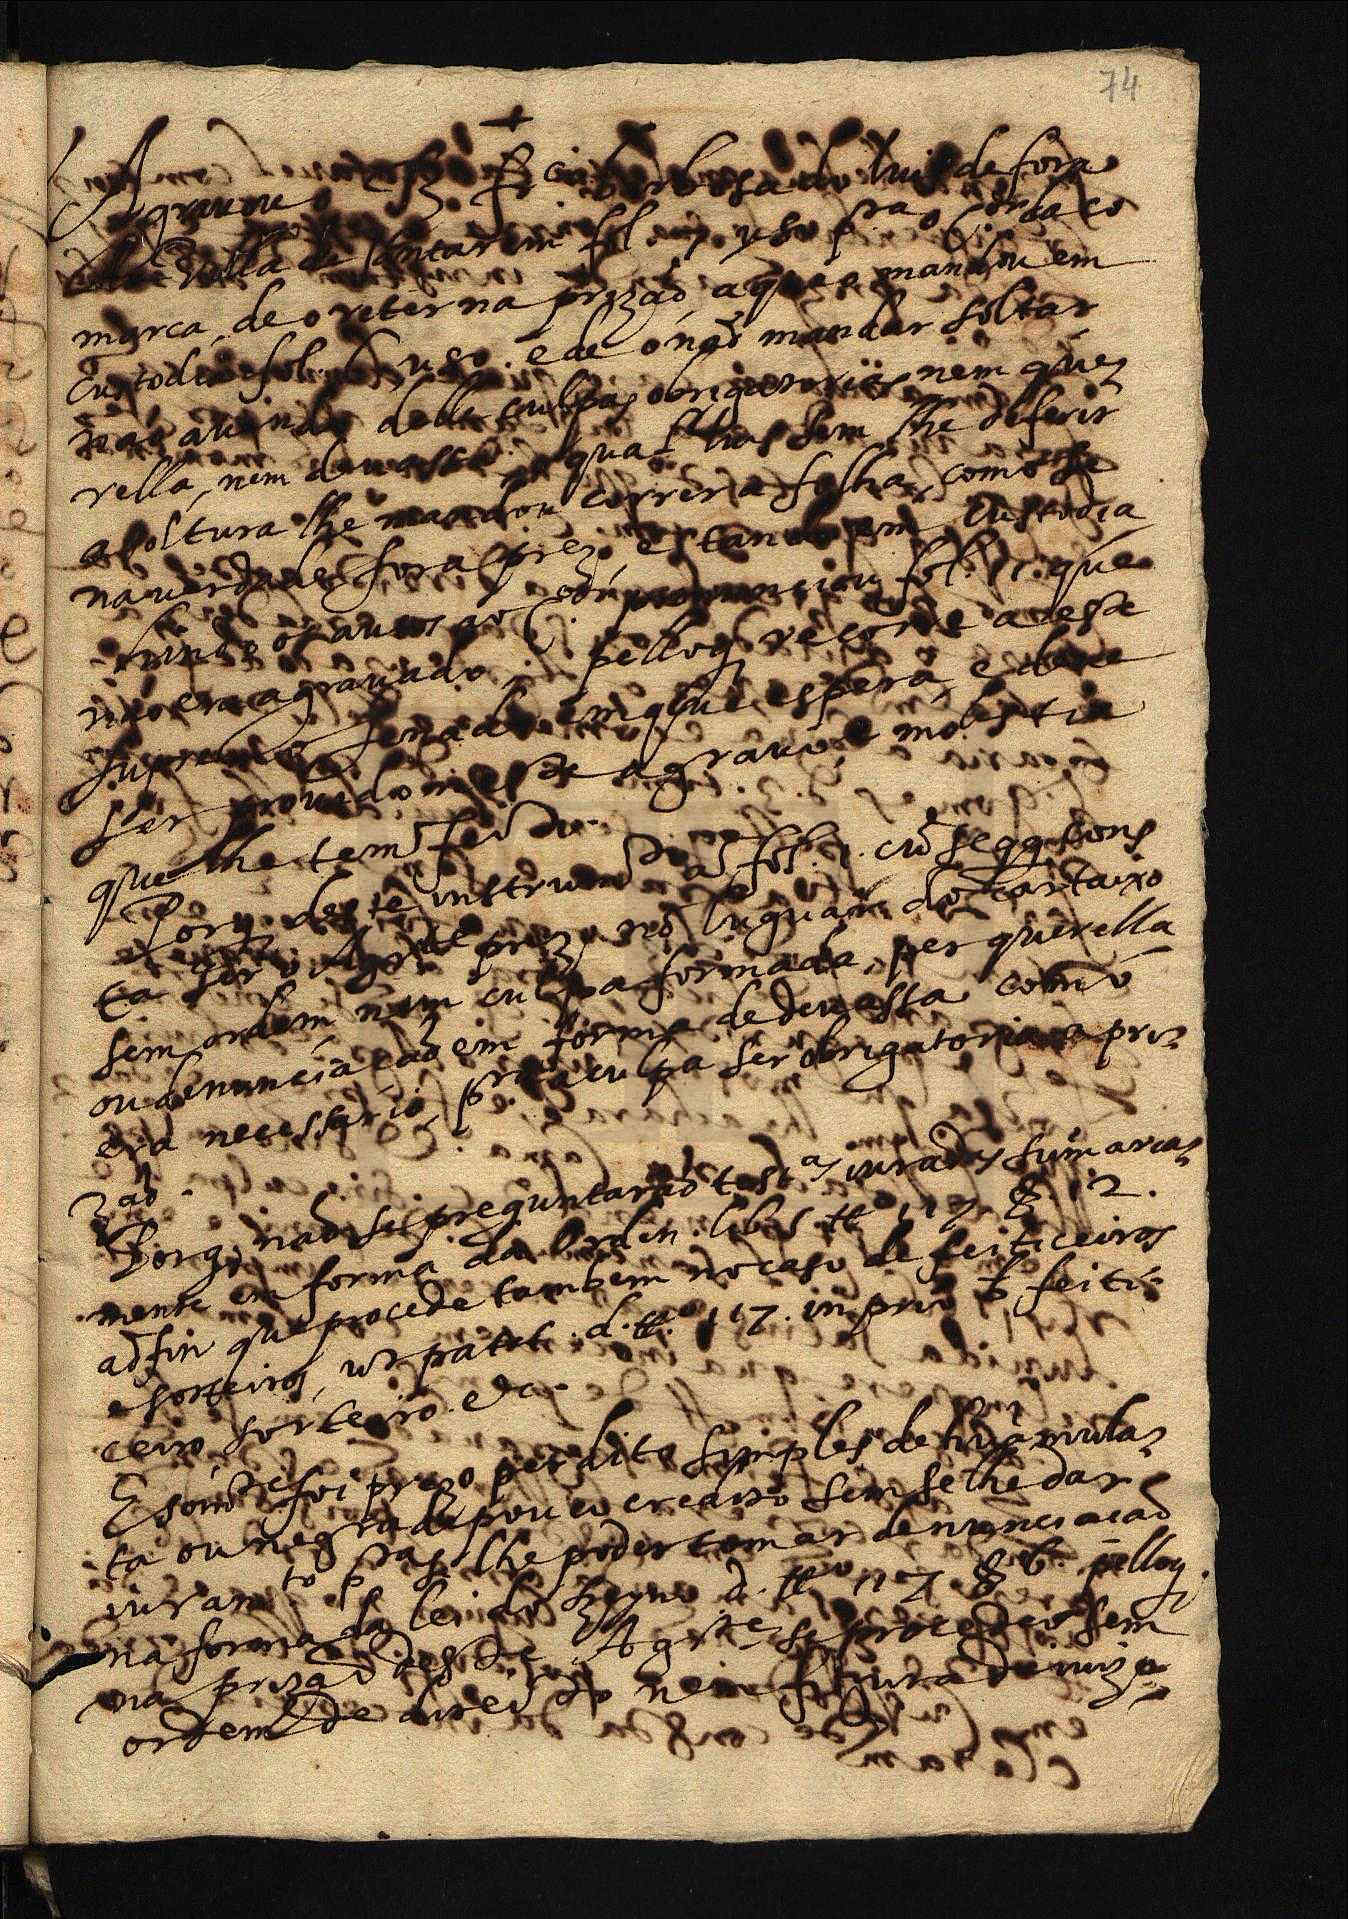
Agrauou o R frco barbosa do luis de fora
Na Villa de santarem fol. 7. uso p.ra o C.or da co
marca, de o reter na prizaõ, a que o mandou em
custodia fol. 6 uso. e de o naõ mandar soltar
naõ auendo delle culpas obrigatorias nem que
rella, nem deuassa a qual ha sem lhe deferir
a soltura lhe mandou correr a folha, como se
na uerdade fora prezo, estando em custodia
hindo os autos ao C.or pronunciou fol. 11 que
nao era agrauado; pello q recorre a este
supremo senado em que espera, e deue
ser prouado neste agrauo molestia
que lhe tem feito.
Porq. deste instrumto a fol. 1. cūseqq. cons
ta ser o Agrte prezo nō luguar do cartaixo
sem ordem nem culpa formada, per querella
ou denunciaçaõ em forma de deuassa como
era necessario, p.ra a culpa ser obrigatoria a pri
zaõ.
Porq. naõ se preguntaraõ testas iuradas sumaria
mente em forma da Orden. lib 5 tt 117 § 12.
ad fin que procede tambem no caso de feiticeiros
e sorteiros, ut patet. d. tt. 117. in prio b̄ feiti
ceiro sorteiro. etc
E somte foi prezo per dito simples de huā mula
ta ou negra de pouco credito sem se lhe dar
iuramto pra se lhe poder tomar denunciaçaõ
na forma da lei do Reyno d. tto 117 § 6. pello q
na prizaõ deste Agrte se procedeo sem
ordem de direito nem figura de iuizo
